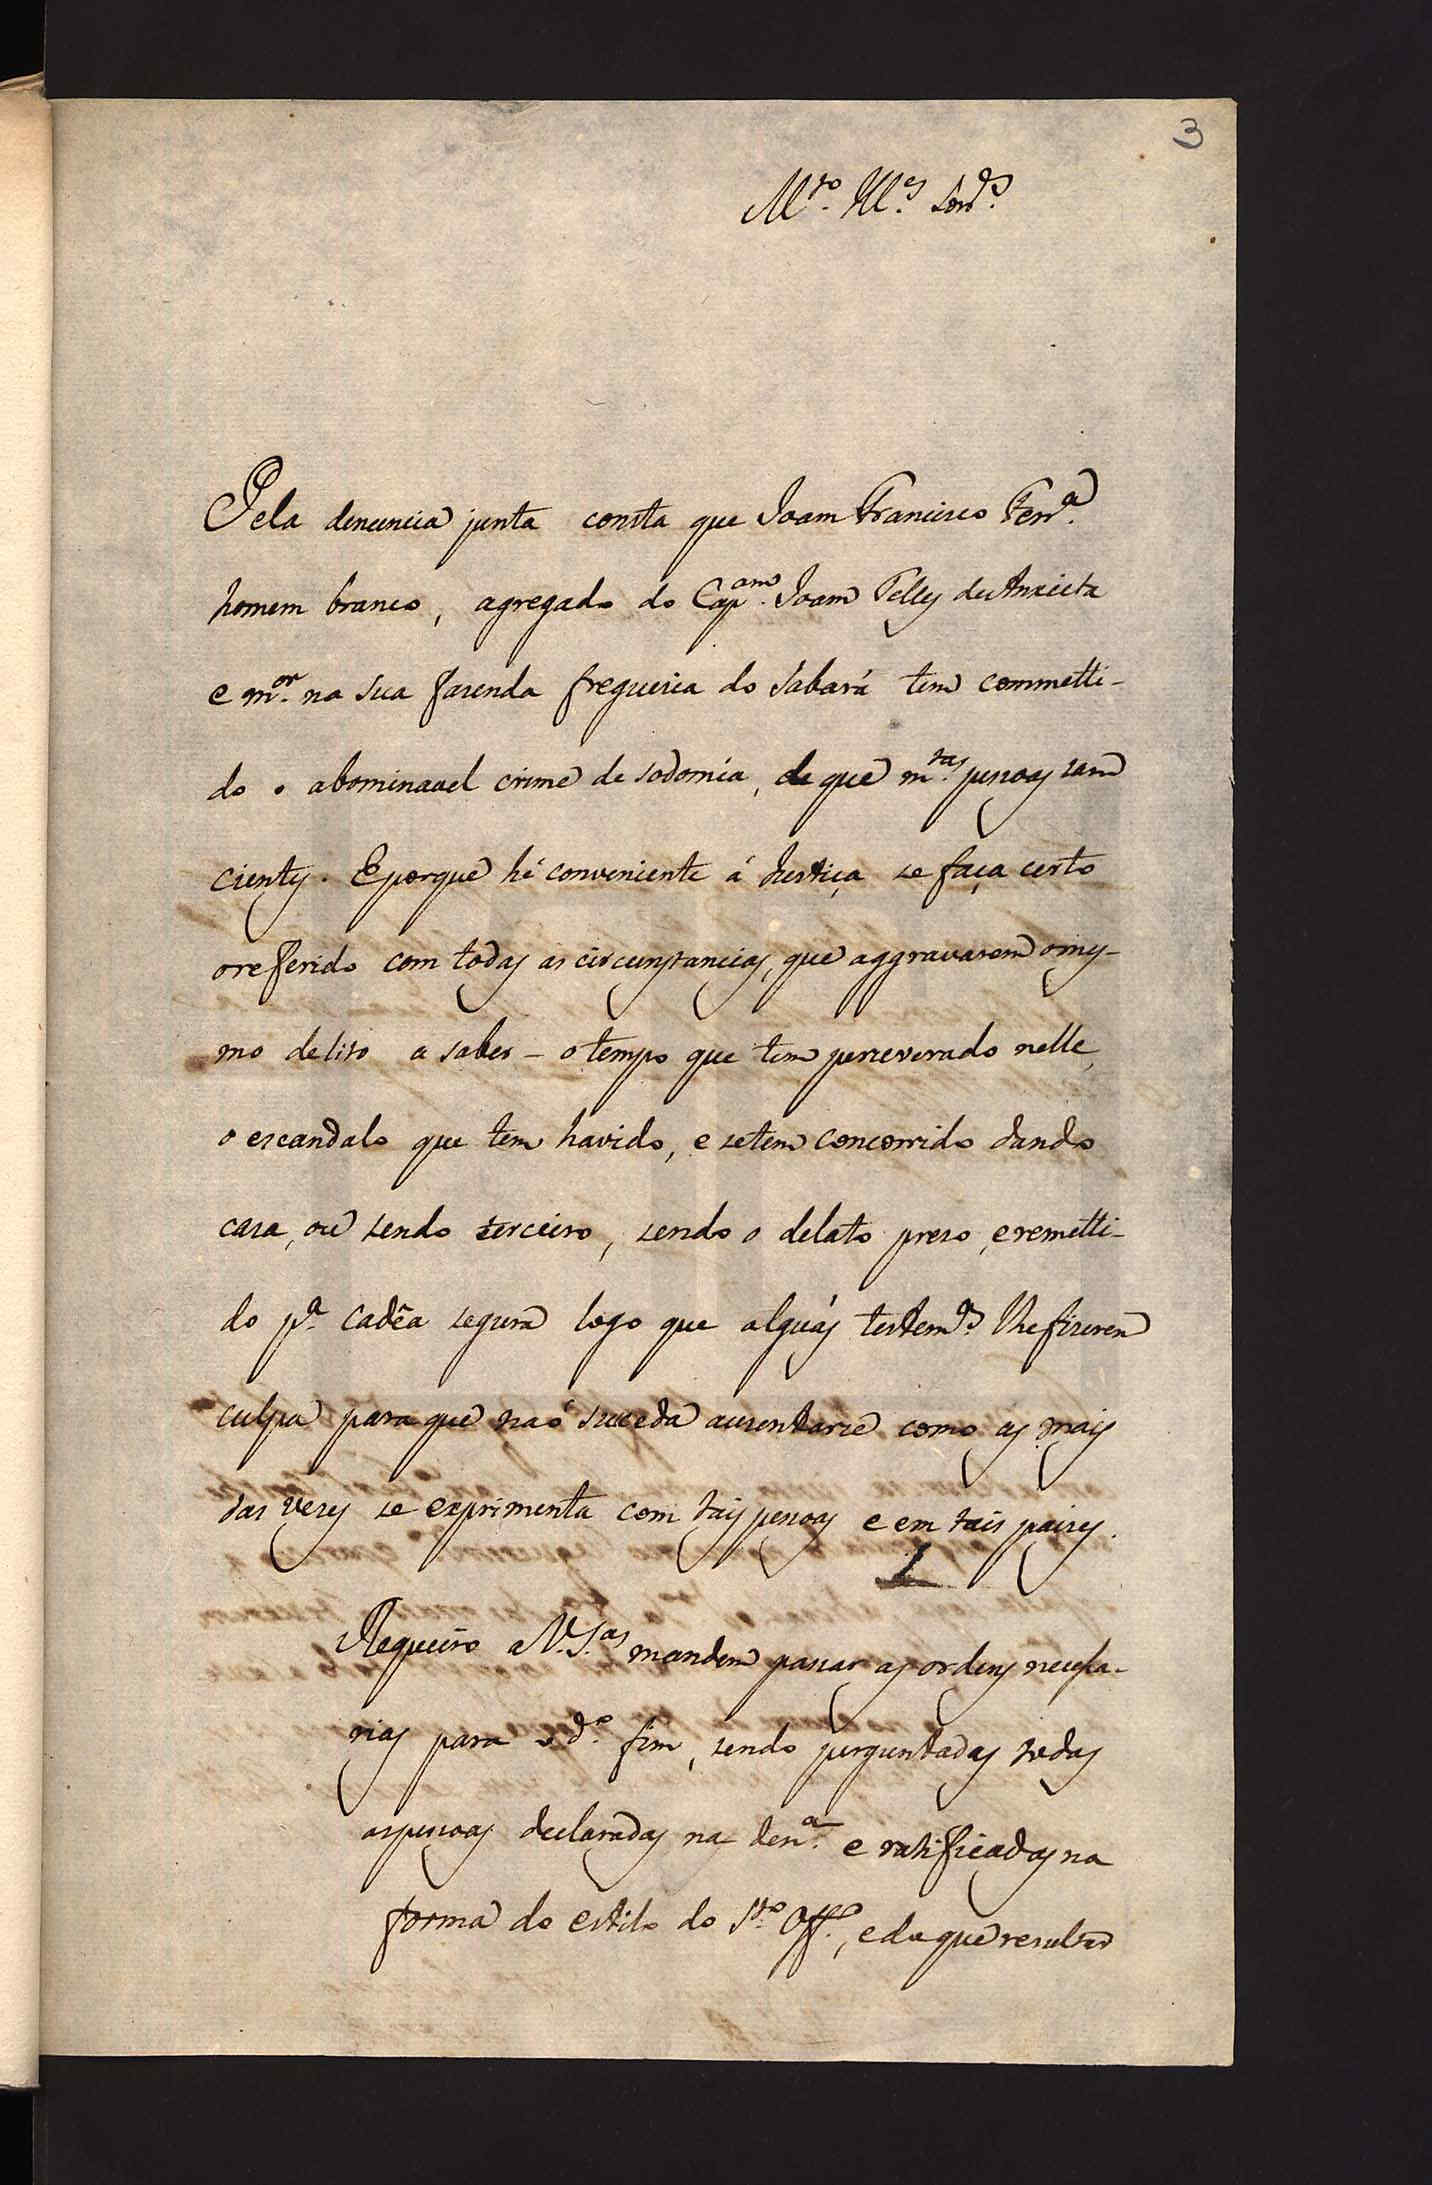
M.to Ill.es Sn.es
Pela denuncia junta consta que Ioam Francisco Ferr.a
homem branco, agregado do Cap.am Ioam Telles de Anxieta
e m.or na sua fazenda freguezia do Sabará tem commetti
do o abominauel crime de sodomia, de que m.tas pessoas sam
cientes: E porque hé conveniente á Iustiça se faça certo
o referido com todas as circunstancias, que aggravarem o mes
mo delito a saber - o tempo que tem perseverado nelle
o escandalo que tem havido, e se tem concorrido dando
caza, ou sendo terceiro, sendo o delato prezo, e remetti
do p.a cadêa segura logo que alguās testem.as lhe fizeren
culpa o para que naõ succeda ausentarze como as mais
das vezes se exprimenta com tais pessoas e em tais paizes.
Requeiro a V. S.as mandem passar as ordens necessa
rias para o d.o fim, sendo perguntadas todas
as pessoas declaradas na den.a e ratificadas na
forma do estilo do S.to Off.o, e do que resultar
